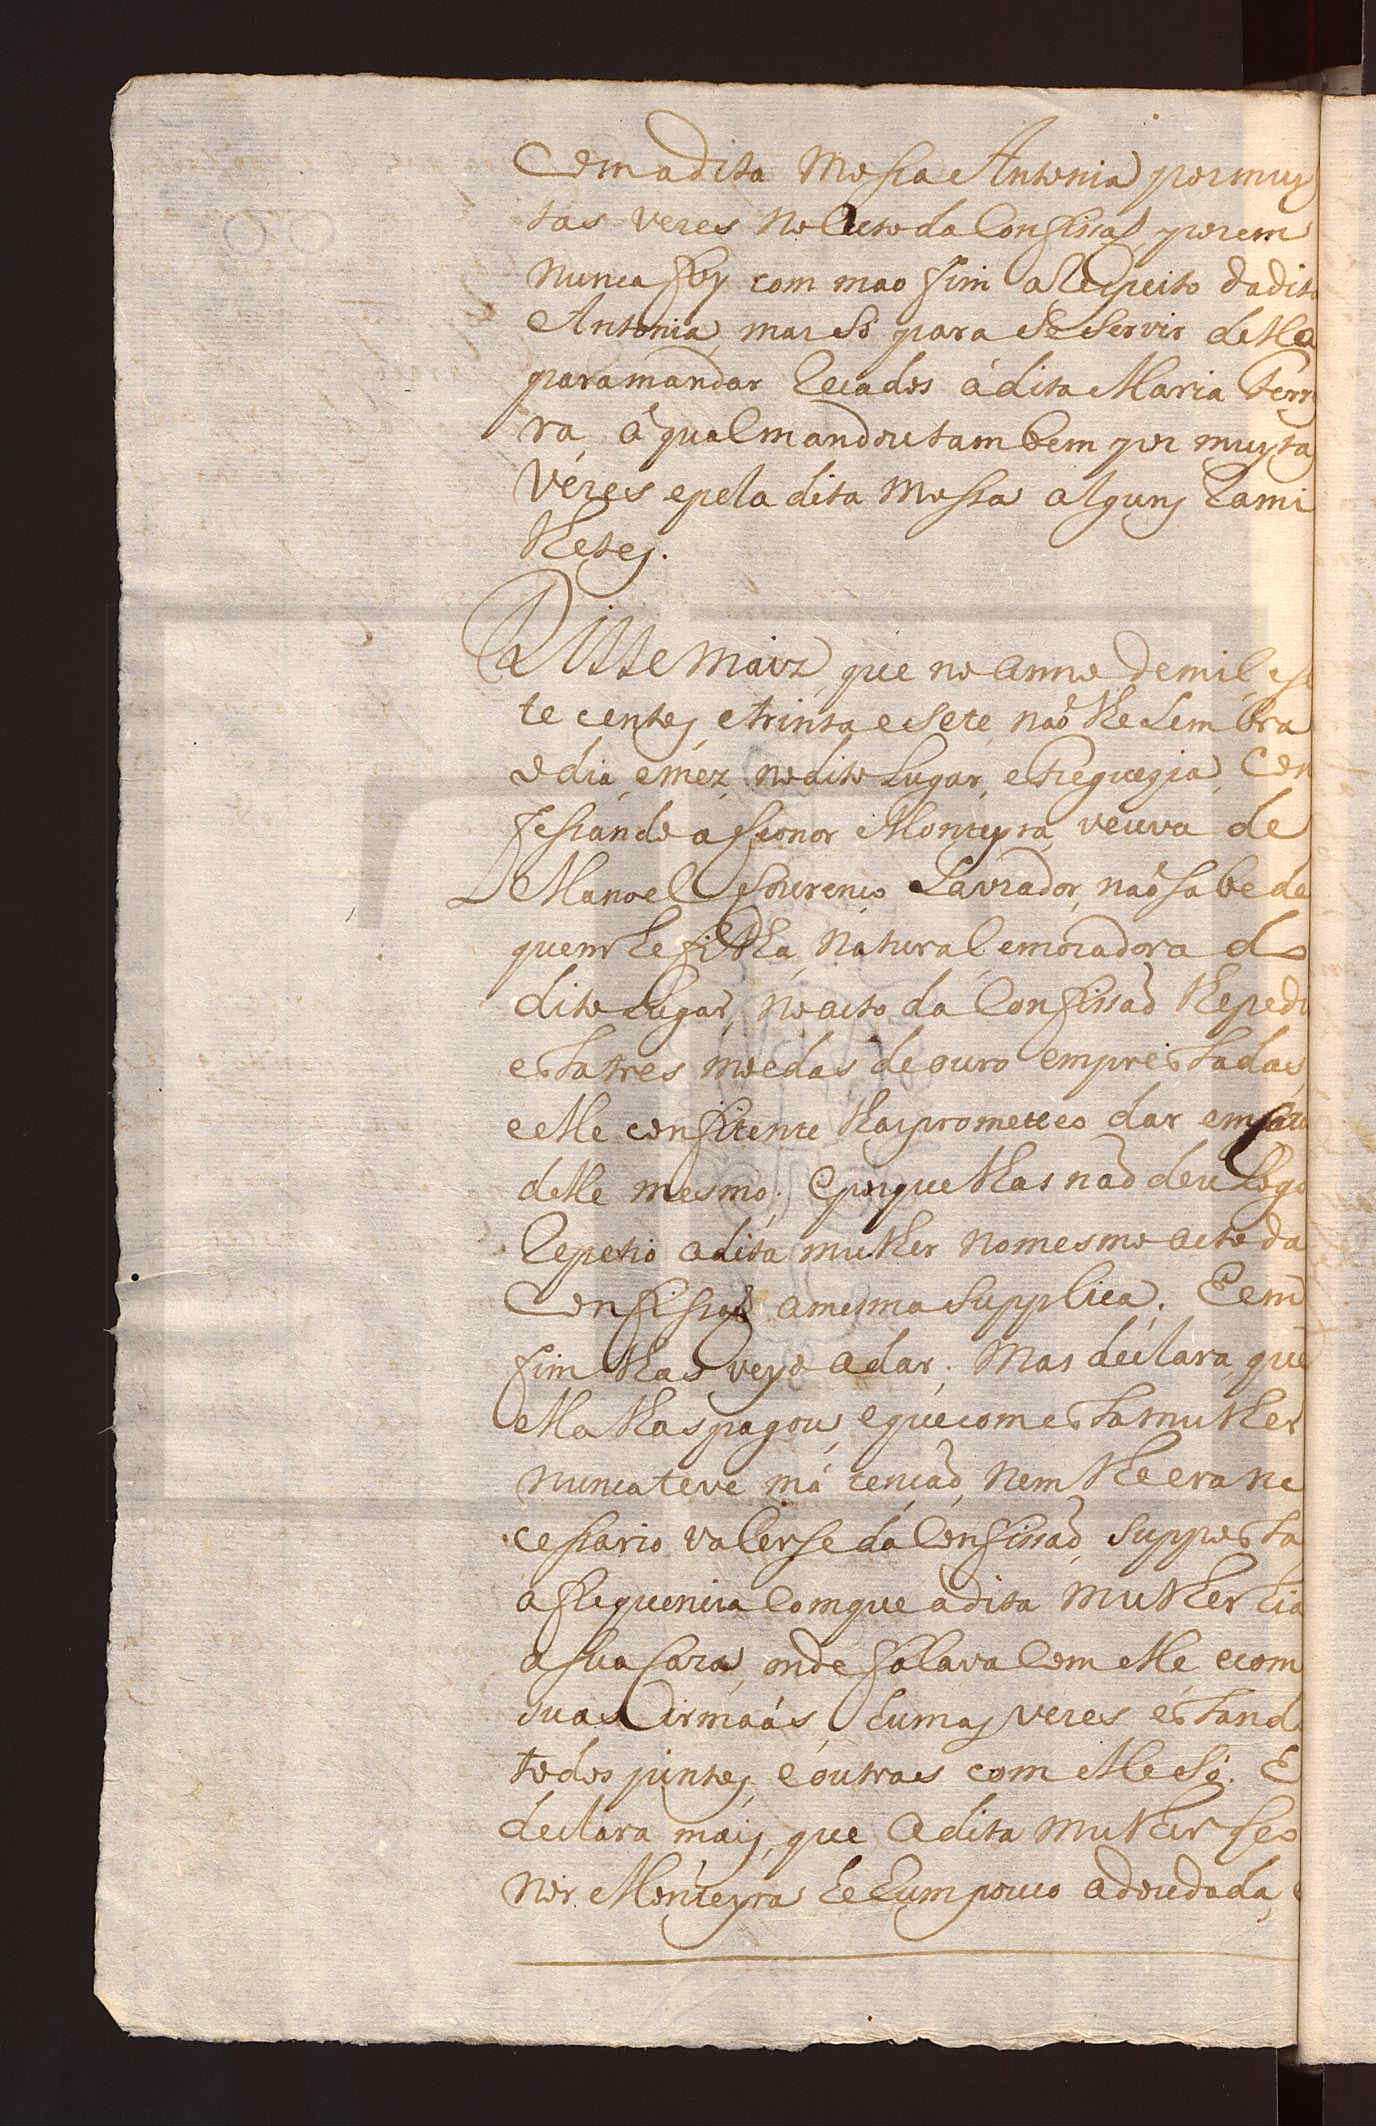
com a dita mossa Antonia por muy
tas vezes no Acto da Confissaõ, porem
nunca foy com mao fim a respeito da dita
Antonia, mas só para se servir della
para mandar Recados á dita Maria Ferr_
ra, á qual mandou tambem por muytas
vezes e pela dita mossa alguns Rami
lhetes.
Disse maiz, que no anno de mil, e se
tecentos, e trinta e sete, naõ lhe Lembra
o dia, e mez, no dito Lugar, e Freguezia, con
fessando a Leonor Monteyra, veuva de
Manoel Lourenço Lavrador, naõ sabe de
quem he filha, natural e moradora do
dito Lugar, no acto da Confissaõ lhe ped_
esta tres moedas de ouro emprestadas,
e elle confitente lhas prometteo dar em Caza
delle mesmo; e porque lhas naõ deu logo
Repetio a dita mulher no mesmo acto da
confissaõ a mesma supplica; E em
fim lhas veyo a dar; mas declara, que
ella lhas pagou, e que com esta mulher
nunca teue má tençaõ, nem lhe era ne
cessario valerse da Confissaõ, supposta
a frequencia com que a dita mulher hia
a sua Caza, onde falava com elle e com
suas irmaãs, humas vezes estando
todos juntos, e outras com elle só. E
declara mais, que a dita mulher Leo
nor Monteyra he hum pouco adoudada, e
